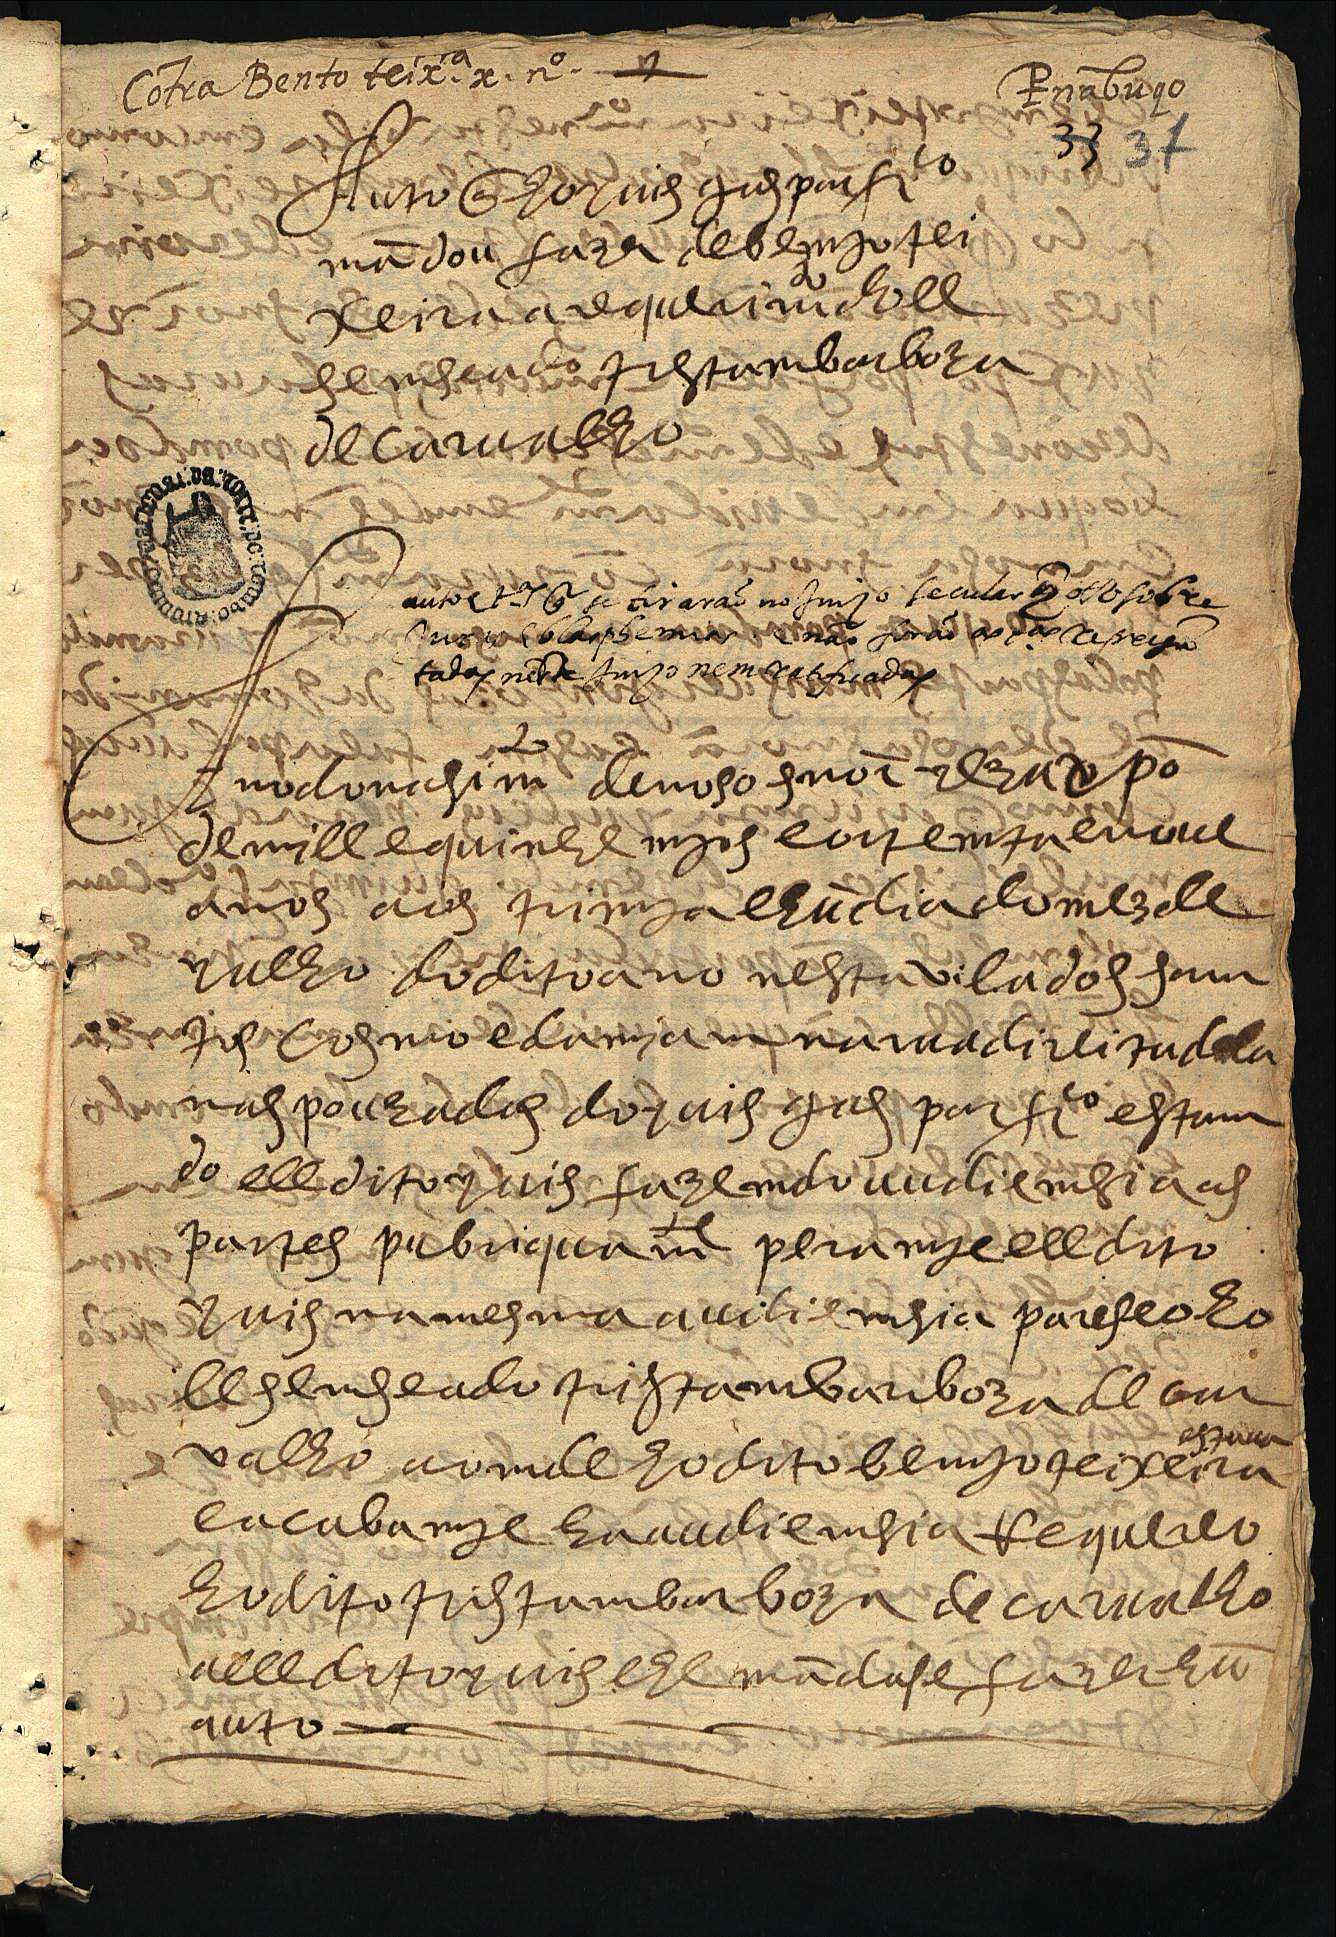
Cōtra Bento teixra. x. no-
Auto q̄ ho yuis gaspar frco
mādou fazer de bemto tei
xeira a requerimto do le
semseado tristam barboza
de carualho
Ano do nasimeto de noso snor̄ yezu xpō
de mil e quinhemtos e oitemta e noue
anos aos trimta e hū dia do mez de
yulho do dito ano nesta vila dos sam
tos Cosmo e damiam na rua direita dela
nas pouzadas do yuis gaspar frco estam
do ele dito yuis fazemdo audiemsia as
partes pubriquamte peramte ele dito
yuis na mesma audiemsia pareseo ho
lesemseado tristam barboza de car
valho aomde ho dito bemto teixeira
estaua
e acabamte ha audiemsia Requereo
ho dito tristam barboza de carualho
a ele dito yuis lhe mādase fazer hū
auto
